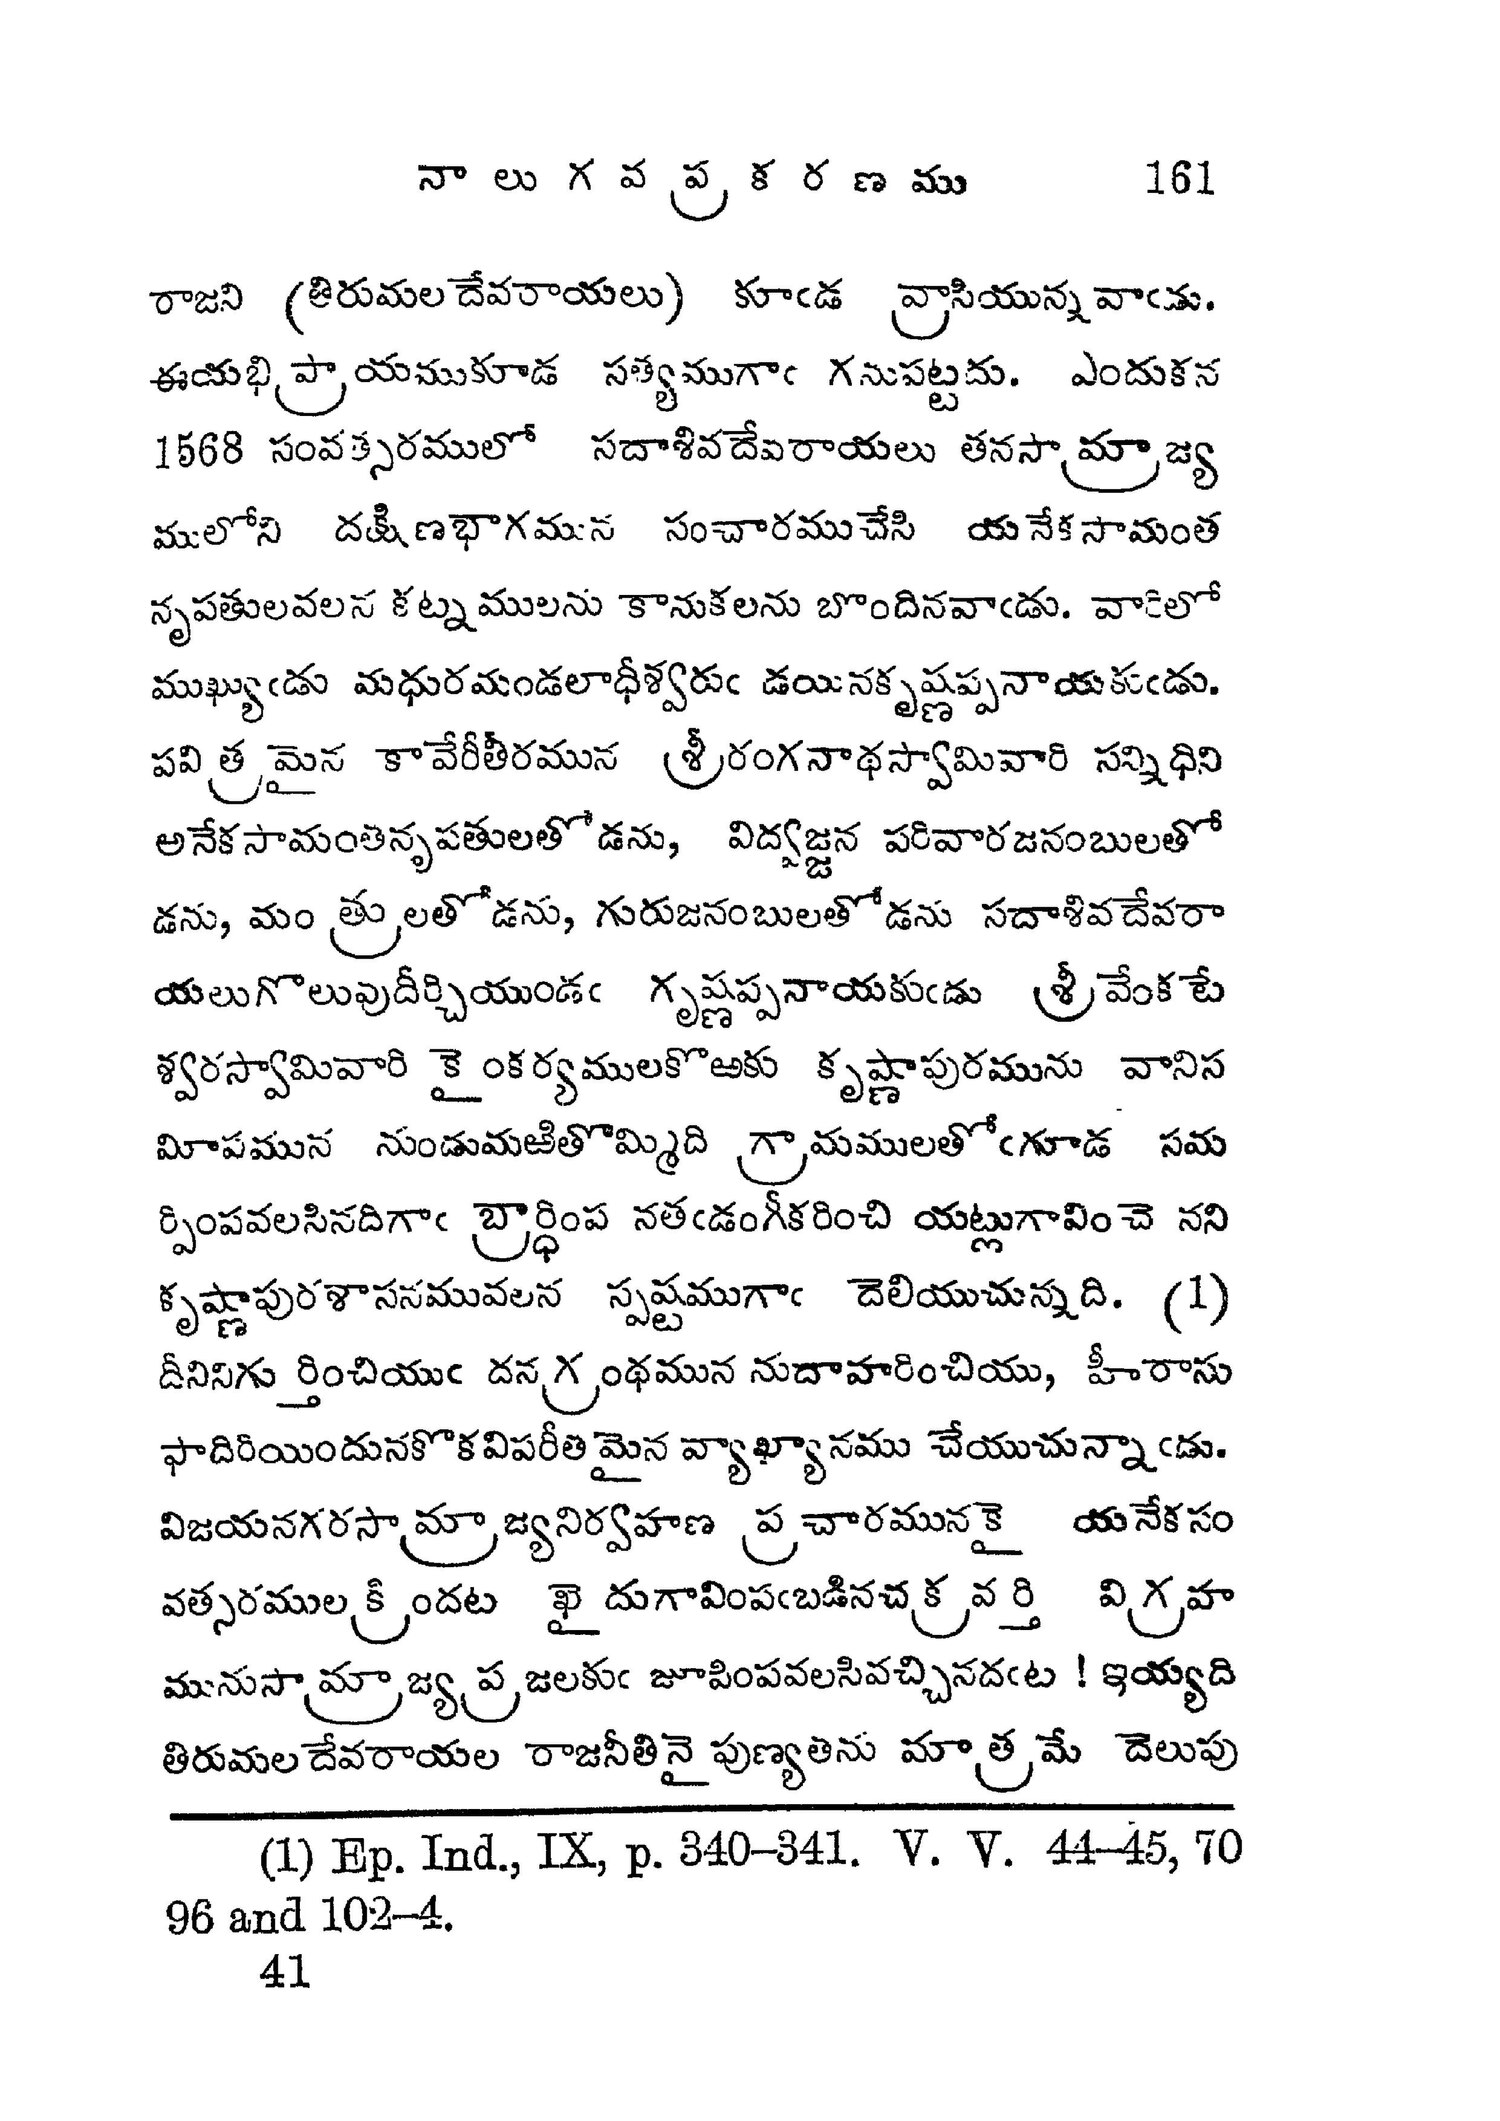రాజని (తిరుమలదేవరాయలు) కూడ వ్రాసియున్నవాడు. ఈయభిప్రాయముకూడ సత్యముగా గనుపట్టదు. ఎందుకన 1568 సంవత్సరములో సదాశివరాయలు తనసామ్రాజ్యములోని దక్షిణభాగమున సంచారముచేసి యనేకసామంత నృపతులవలన కట్నములను కానుకలను బొందినవాడు. వారిలో ముఖ్యుడు మధురమండాలాధీశ్వరు డయినకృష్ణప్పనాయకుడు. పవిత్రమైన కావేరీతీరమున శ్రీరంగనాథస్వామివారి సన్నిధిని అనేకసామంతనృపతులతోడను, విద్వజ్జన పరివారజనంబులతోడను, మంత్రులతోడను, గురుజనంబులతోడను సదాశివదేవరాయలు గొలువుదీర్చియుండ గృష్ణప్పనాయకుడు శ్రీవేంకటేశ్వరస్వామివారి కైంకర్యములకొఱకు కృష్ణాపురమును వానిసమీపమున నుండుమఱితొమ్మిది గ్రామములతోగూడ సమర్పింపవలసినదిగా బ్రార్థింప నతడంగీకరించి యట్లుగావించె నని కృష్ణాపురశాసనమువలన స్పష్టముగా దెలియుచున్నది. దీనిని గుర్తించియు దనగ్రంథమున నుదాహరించియు, హీరాసుఫాదిరి యిందునకొకవిపరీతమైన వ్యాఖ్యానము చేయుచున్నాడు. విజయనగరసామ్రాజ్యనిర్వహణ ప్రచారమునకై యనేకసంవత్సరములక్రిందట ఖైదుగావింపబడినచక్రవర్తి విగ్రహమునుసామ్రాజ్యప్రజలకు జూపింపవలసివచ్చినదట ! ఇయ్యది తిరుమలదేవరాయల రాజనీతినైపుణ్యతను మాత్రమే దెలుపు